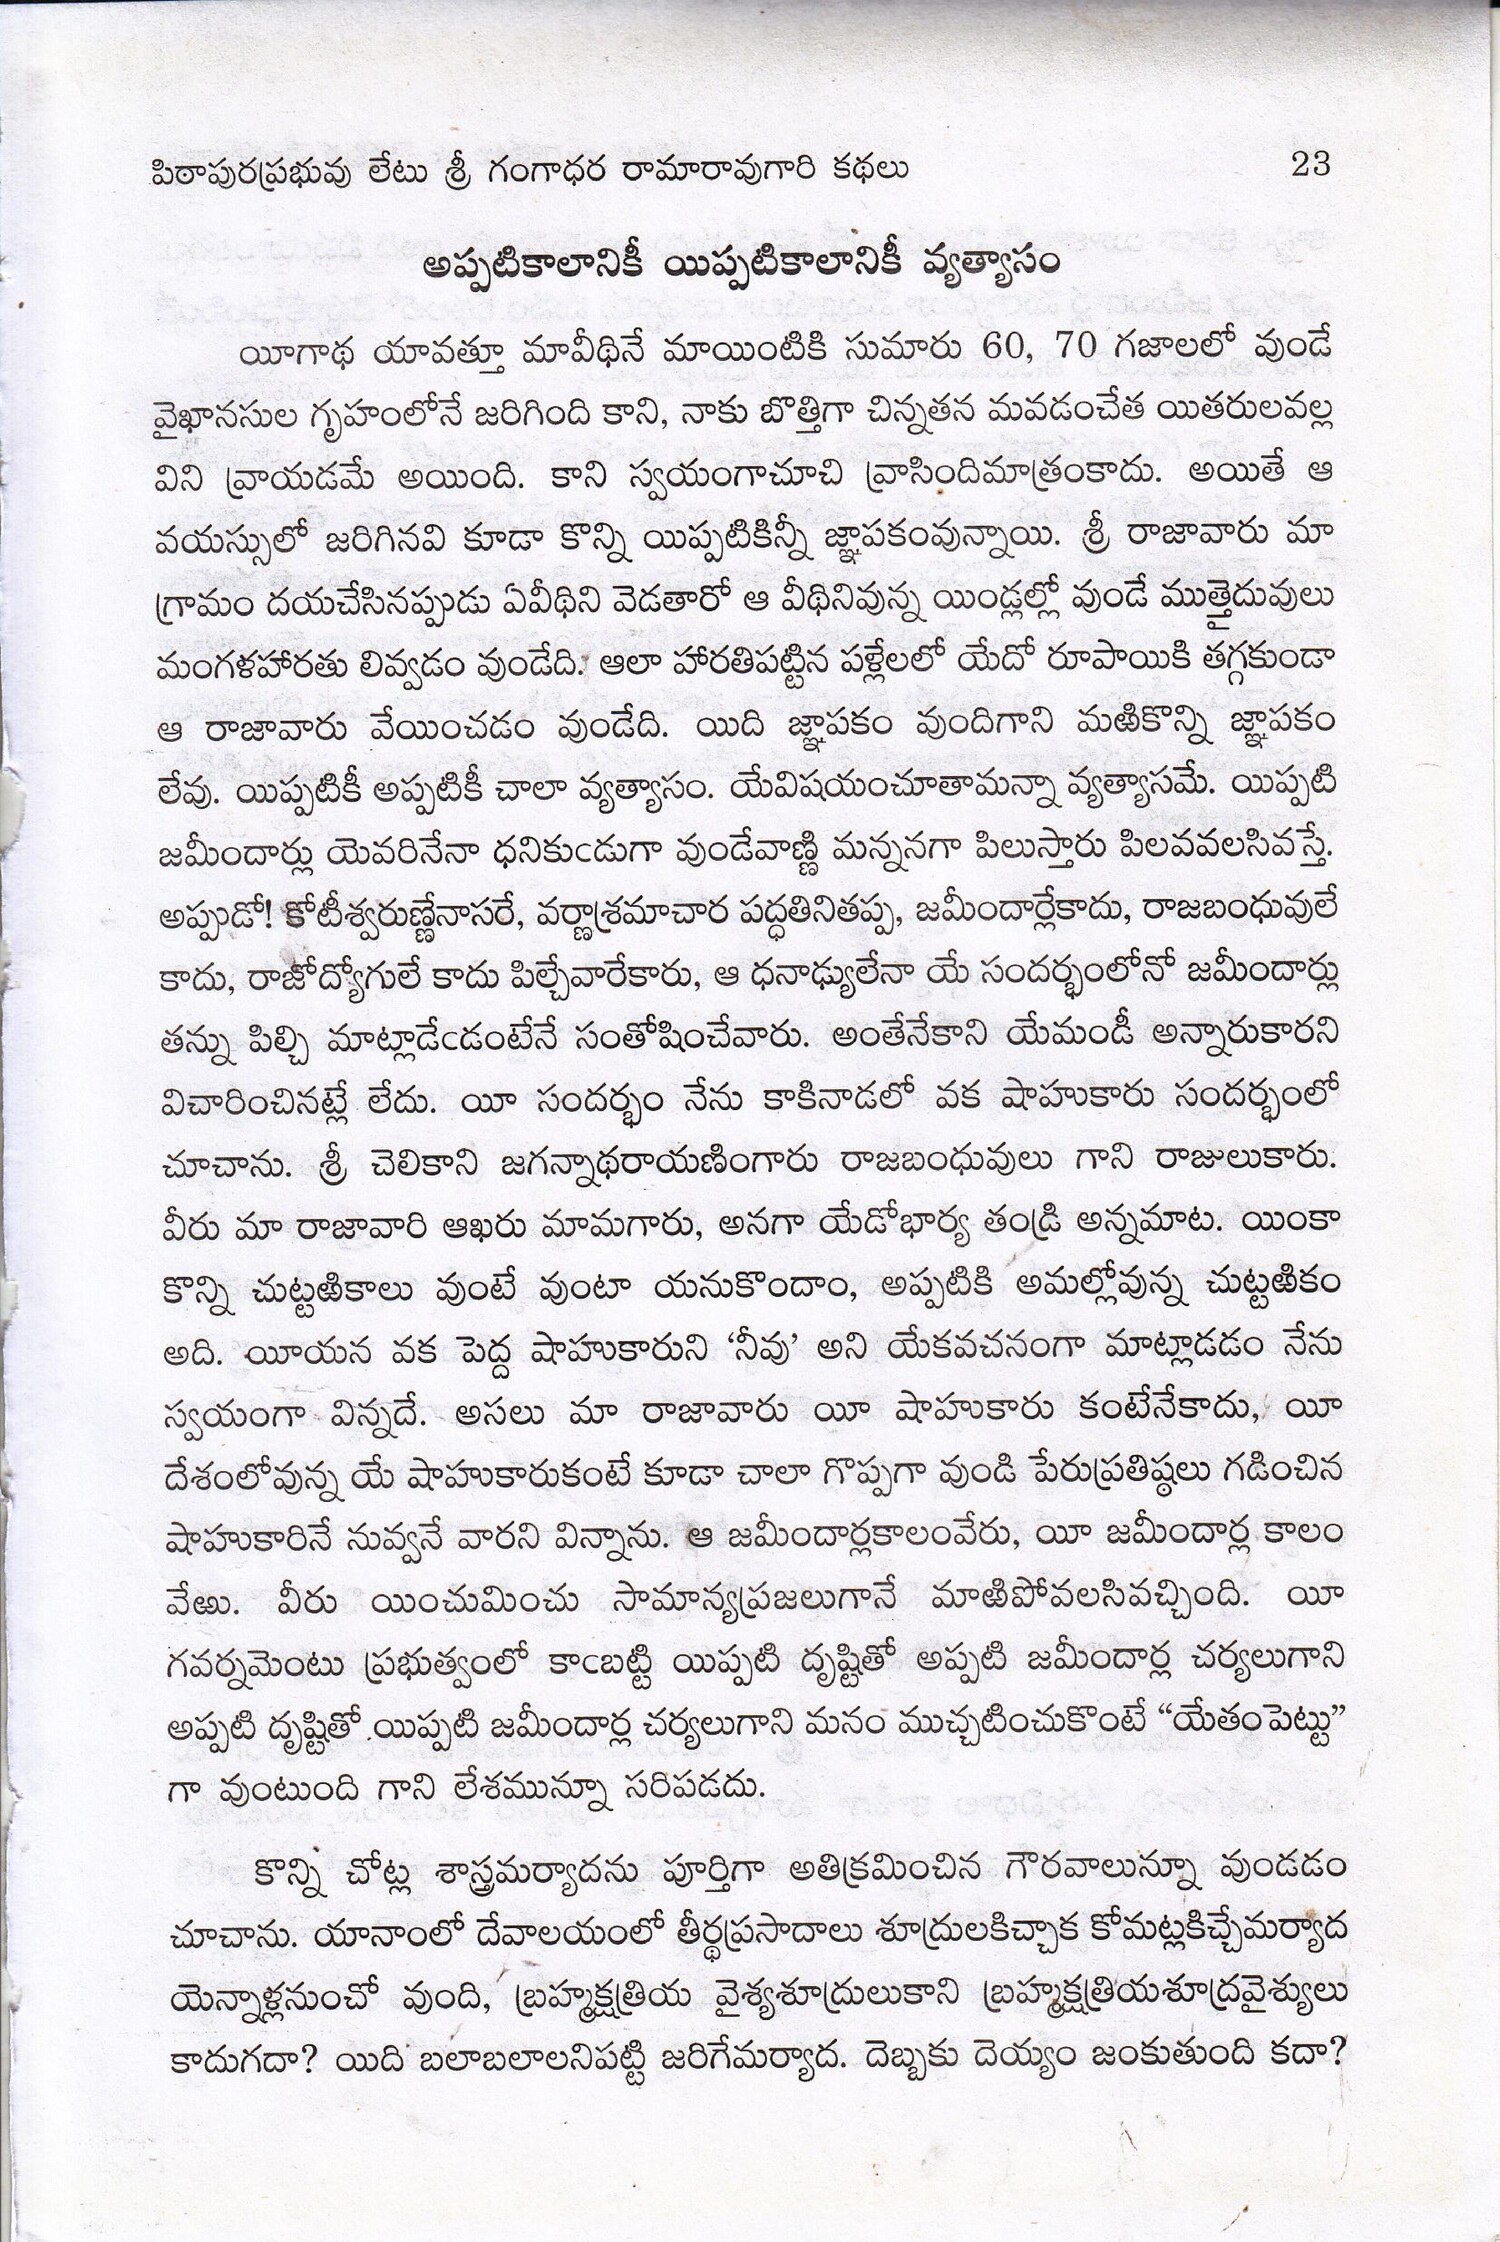యీగాథ యావతూ మావీథినే మాయింటికి సుమారు 60, 70 గజాలలో వుండే వైఖానసుల గృహంలోనే జరిగింది కాని, నాకు బొత్తిగా చిన్నతన మవడంచేత యితరులవల్ల విని వ్రాయడమే అయింది. కాని స్వయంగాచూచి వ్రాసిందిమాత్రంకాదు. అయితే ఆ వయస్సులో జరిగినవి కూడా కొన్ని యిప్పటికిన్నీ జ్ఞాపకంవున్నాయి. శ్రీ రాజావారు మా గ్రామం దయచేసినప్పడు ఏవీథిని వెడతారో ఆ వీథినివున్న యిండ్లల్లో వుండే ముత్తైదువులు మంగళహారతు లివ్వడం వండేది. ఆలా హారతిపట్టిన పళ్లేలలో యేదో రూపాయికి తగ్గకుండా ఆ రాజావారు వేయించడం వుండేది. యిది జ్ఞాపకం వుందిగాని మణికొన్ని జ్ఞాపకం లేవు. యిప్పటికీ అప్పటికీ చాలా వ్యత్యాసం. యేవిషయంచూతామన్నా వ్యత్యాసమే. యిప్పటి జమీందార్లు యెవరినేనా ధనికుండుగా వుండేవాణ్ణి మన్ననగా పిలుస్తారు పిలవవలసివస్తే. అప్పుడో కోటీశ్వరుణ్ణినాసరే, వర్ణాశ్రమాచార పద్ధతినితప్ప, జమీందార్లేకాదు, రాజబంధువులే కాదు, రాజోద్యోగులే కాదు పిల్చేవారేకారు, ఆ ధనాఢ్యులేనా యే సందర్భంలోనో జమీందార్లు తన్ను పిల్చి మాట్లాడేండంటేనే సంతోషించేవారు. అంతేనేకాని యేమండీ అన్నారుకారని విచారించినట్లే లేదు. యీ సందర్భం నేను కాకినాడలో వక షాహుకారు సందర్భంలో చూచాను. శ్రీ చెలికాని జగన్నాథరాయణింగారు రాజబంధువులు గాని రాజులుకారు. వీరు మా రాజావారి ఆఖరు మామగారు, అనగా యేడోభార్య తండ్రి అన్నమాట. యింకా కొన్ని చుట్టటికాలు వుంటే వుంటా యనుకొందాం, అప్పటికి అమల్లోవున్న చుట్టణికం అది. యీయన వక పెద్ద షాహుకారుని నీవు అని యేకవచనంగా మాట్లాడడం నేను స్వయంగా విన్నదే. అసలు మా రాజావారు యీ షాహుకారు కంటేనేకాదు, యీ దేశంలోవున్నయే షాహుకారుకంటే కూడా చాలా గొప్పగా వుండి పేరుప్రతిష్టలు గడించిన షాహుకారినే నువ్వనే వారని విన్నాను. ఆ జమీందార్లకాలంవేరు, యీ జమీందార్ల కాలం వేఱు. వీరు యించుమించు సామాన్యప్రజలుగానే మాటిపోవలసివచ్చింది. యీ గవర్నమెంటు ప్రభుత్వంలో కాCబట్టి యిప్పటి దృష్టితో అప్పటి జమీందార్ల చర్యలుగాని
అప్పటి దృష్టితో యిప్పటి జమీందార్ల చర్యలుగాని మనం ముచ్చటించుకొంటే "యేతంపెట్టు" గా వుంటుంది గాని లేశమున్నూ సరిపడదు.

కొన్ని చోట్ల శాస్త్రమర్యాదను పూర్తిగా అతిక్రమించిన గౌరవాలున్నూ వుండడం చూచాను. యానాంలో దేవాలయంలో తీర్ధప్రసాదాలు శూద్రులకిచ్చాక కోమట్లకిచ్చేమర్యాద యెన్నాళ్లనుంచో వుంది, బ్రహ్మక్షత్రియ వైశ్యశూద్రులుకాని బ్రహ్మక్షత్రియశూద్రవైశ్యులు కాదుగదా? యిది బలాబలాలనిపట్టి జరిగేమర్యాద. దెబ్బకు దెయ్యం జంకుతుంది కదా?